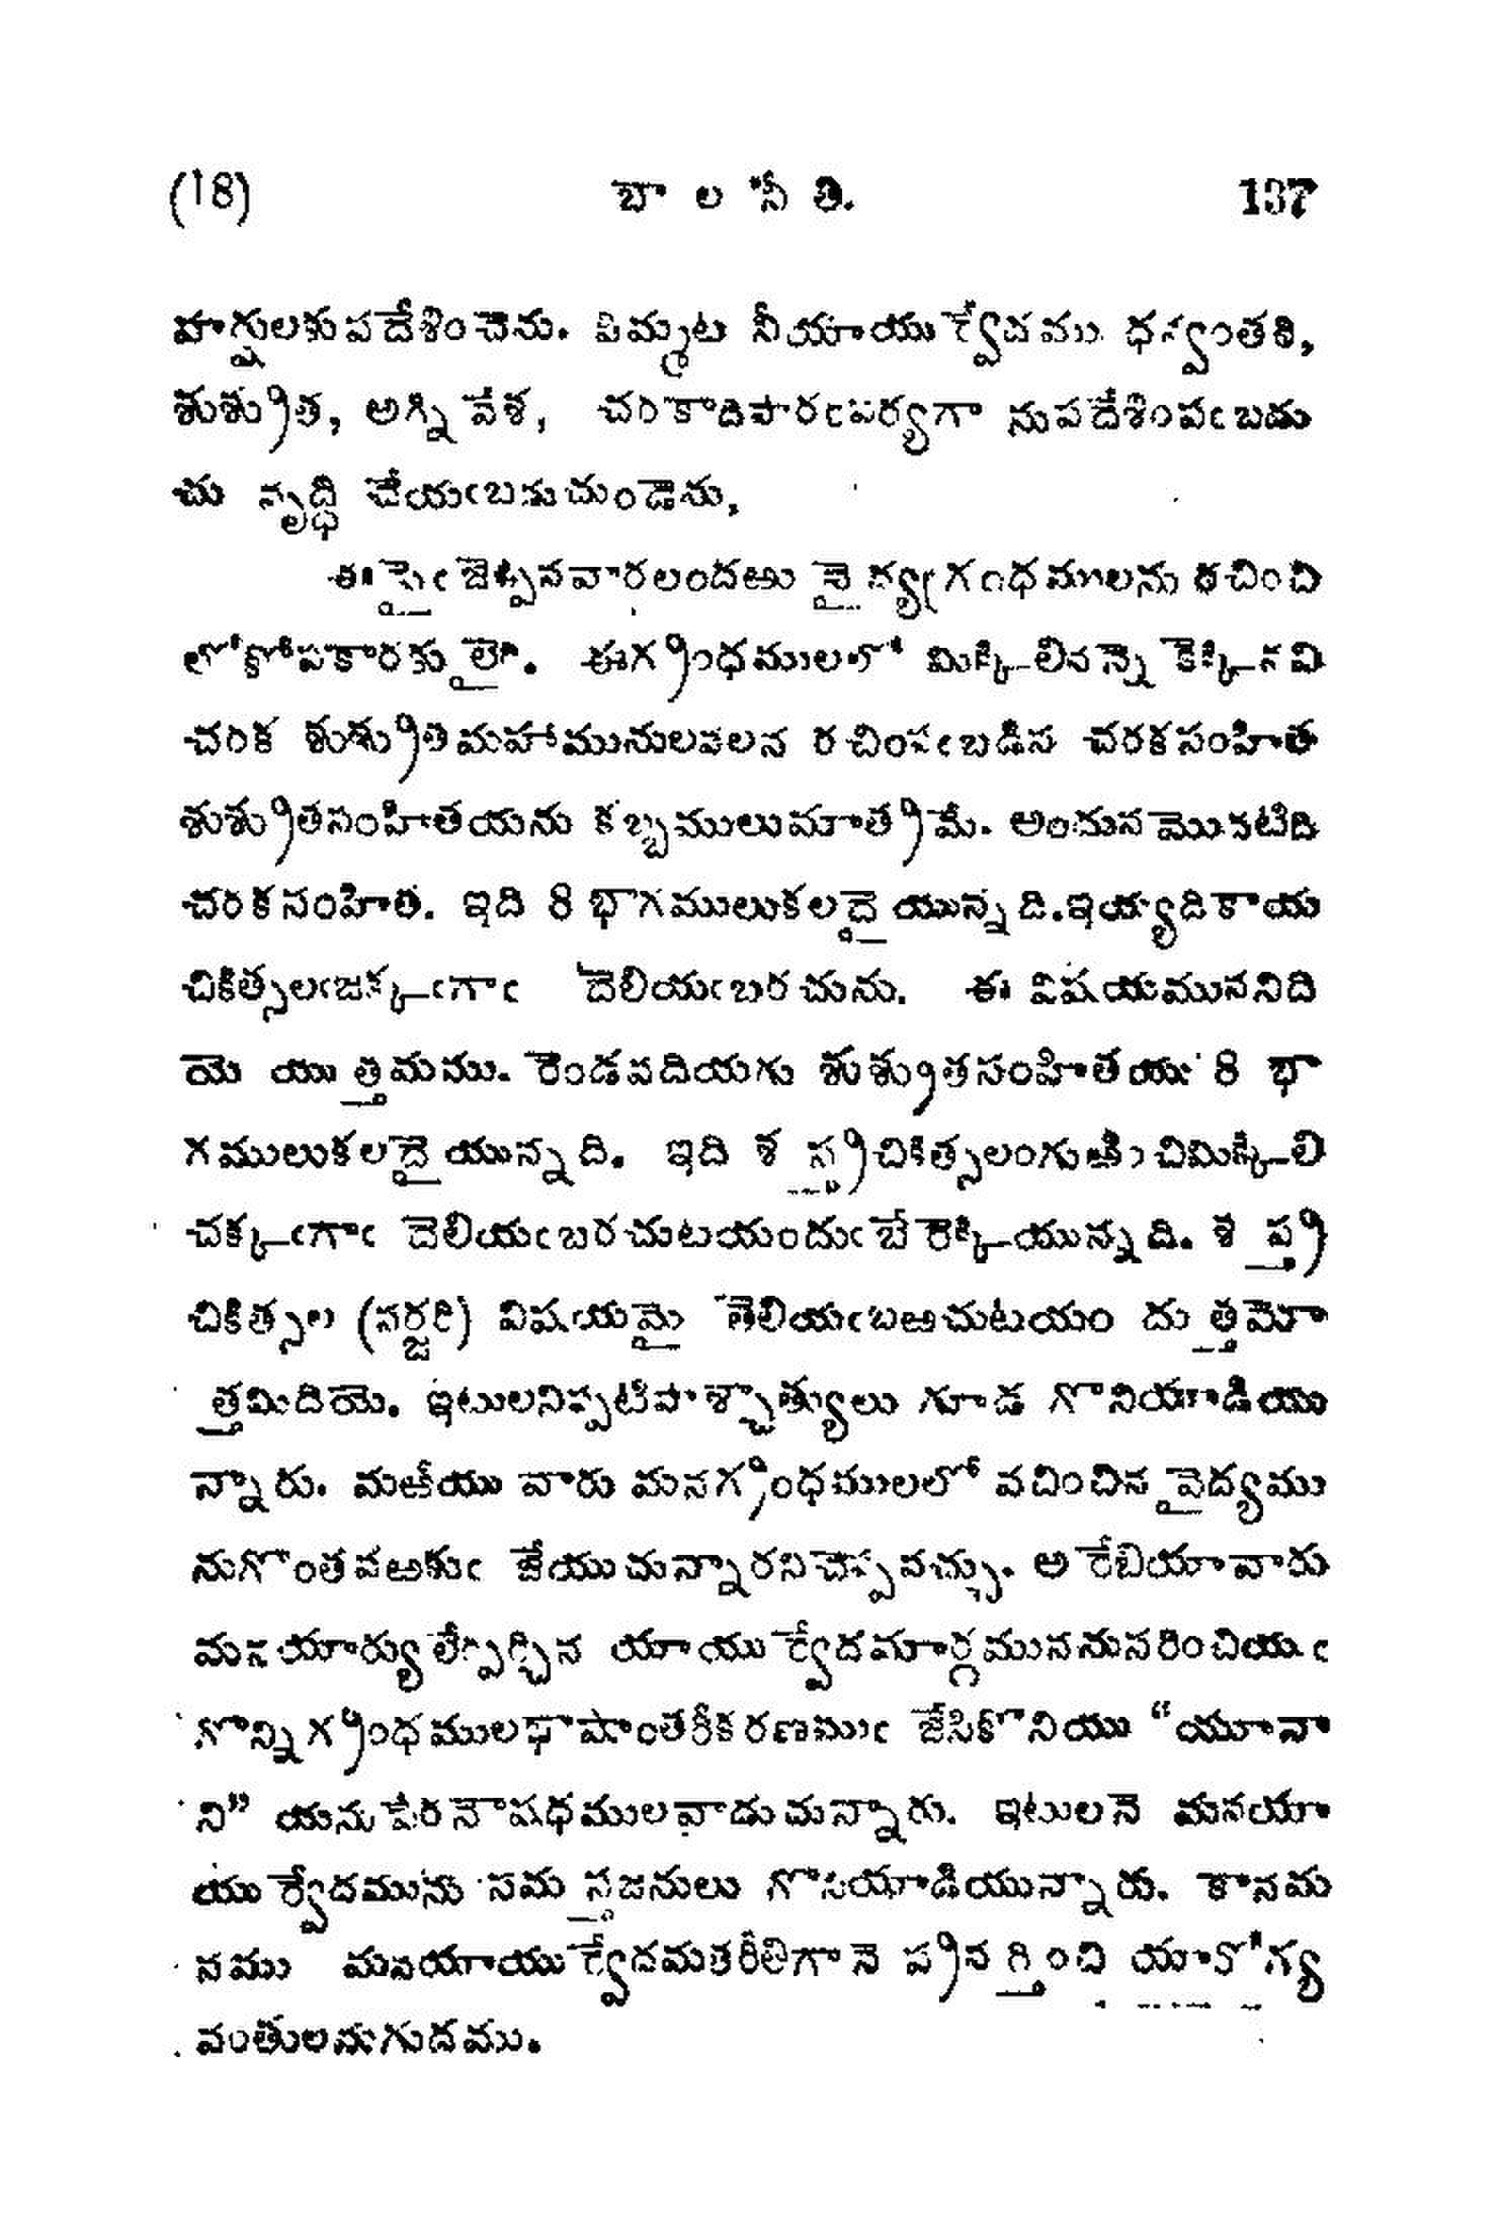హర్షులకుపదేశించెను. పిమ్మట నీయాయుర్వేదము ధన్వంతరి, 
శుశ్రుత, అగ్నివేశ, చరకాదిపారంపర్యగా నుపదేశింపఁబడు
చు వృద్ధి చేయఁబడుచుండెను.

ఈపైఁజెప్పినవారలందఱు వైద్యగ్రంధములను రచించి 
లోకోపకారకులైరి. ఈగ్రంధములలో మిక్కిలివన్నె కెక్కినవి 
చరక శుశ్రుతమహామునులవలన రచింపఁబడిన చరకసంహిత 
శుశ్రుతసంహితయను కబ్బములుమాత్రమే. అందున మొదటిది 
చరకసంహిత. ఇది 8 భాగములుకలదై యున్నది ఇయ్యదికాయ 
చికిత్సలఁజక్కఁగాఁ దెలియఁబరచును. ఈవిషయముననిది 
యె యుత్తమము. రెండవదియగు శుశ్రుతసంహితయు 8 భా
గములుకలదైయున్నది. ఇది శస్త్రచికిత్సలగుఱించిమిక్కిలి 
చక్కఁగాఁ దెలియఁబరచుటయందుఁ బేరెక్కియున్నది. శస్త్ర
చికిత్సల(సర్జరి) విషయమై తెలియఁబఱచుటయం దుత్తమో
త్తమిదియె. ఇటులనిప్పటిపాశ్చాత్యులు గూడ గొనియాడియు
న్నారు. మఱియు వారు మనగ్రంధములలో వచించినవైద్యము
నుగొంతవఱకుఁ జేయుచున్నారనిచెప్పవచ్చు. అరేబియావారు 
మనయార్యులేర్పర్చిన యాయుర్వేదమార్గముననుసరించియుఁ 
గొన్నిగ్రంధములభాషాంతరీకరణముఁ జేసికొనియు "యూనా
ని" యనుపేరనౌషధముల వాడుచున్నారు. ఇటులనె మనయా
యుర్వేదమును సమస్తజనులు గొనియాడియున్నారు. కానమ
నము మనమాయుర్వేదమతరీతిగానె ప్రవర్తించి యారోగ్య
వంతులమగుదము.